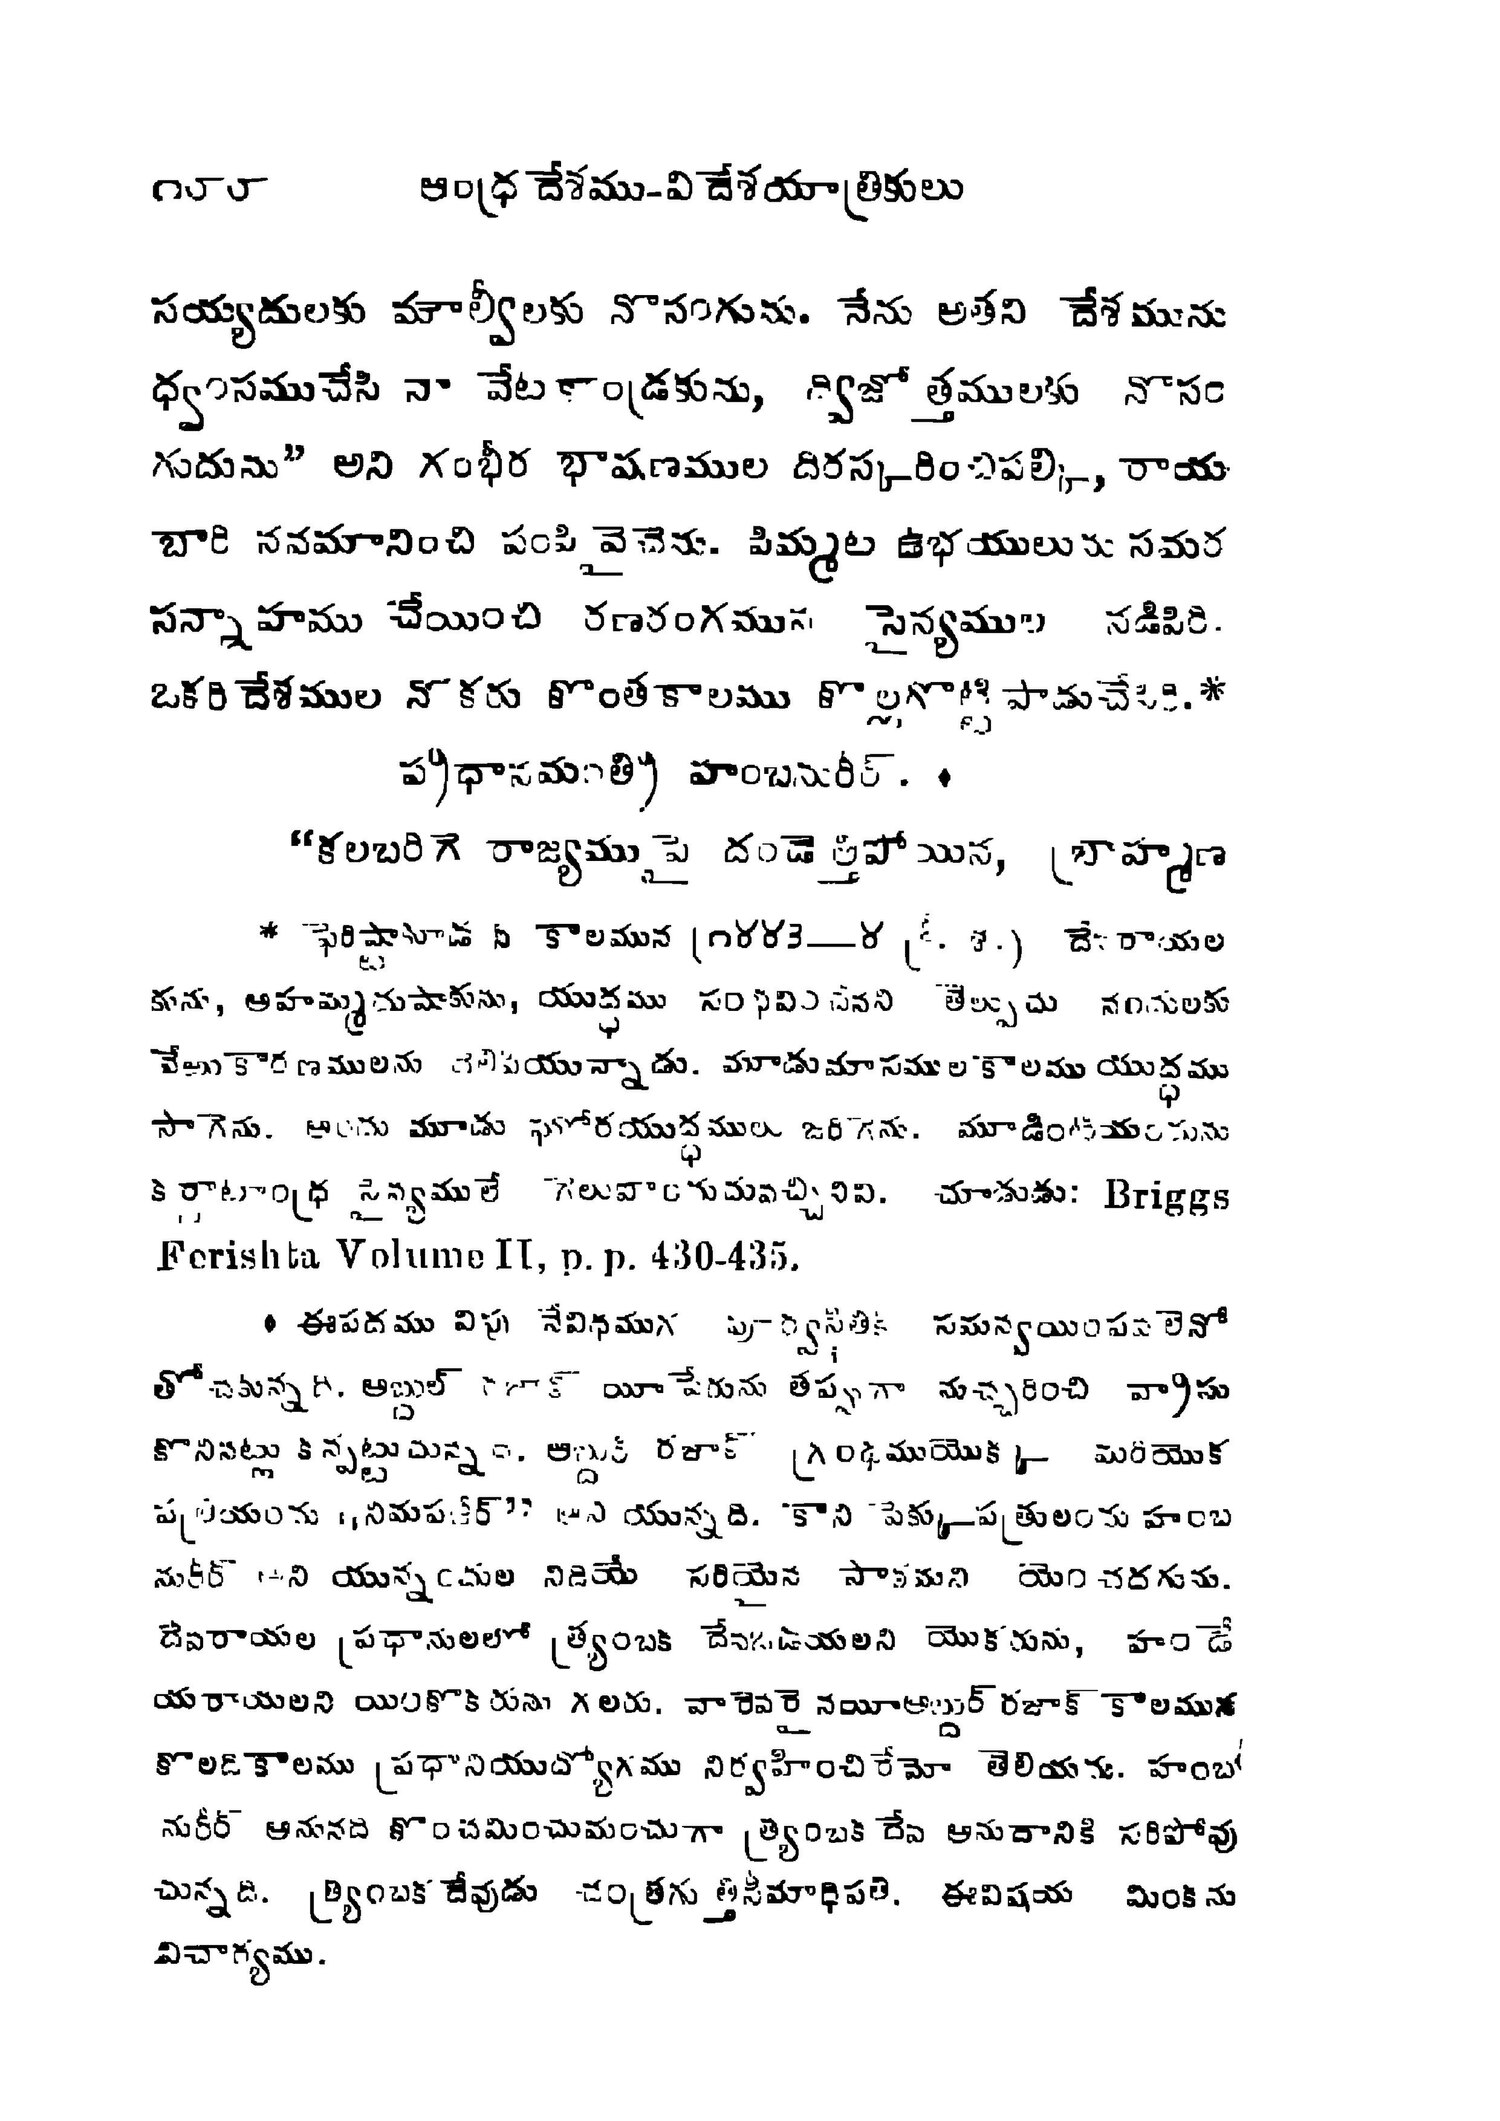సయ్యదులకు మౌల్వీలకు నొసంగును. నేను అతని దేసమును ధ్వంసముచేసి నా వేటకాండ్రకును, ద్విజోత్తములకు నొసంగుదును" అని గంభీర భాషణముల దిరస్కరించిపల్కి రాయబారి నవమానించి పంపివైచెను. పిమ్మట ఉభయులును సమర సన్నాహము చేయించి రణరంగమున సైన్యముల నడిపిరి. ఒకరి దేశముల నొకరు కొంతకాలము కొల్లగొట్టిపాడుచేసరి.

"కలబరిగె రాజ్యముపై దండెత్తిపోయిన, బ్రాహణ